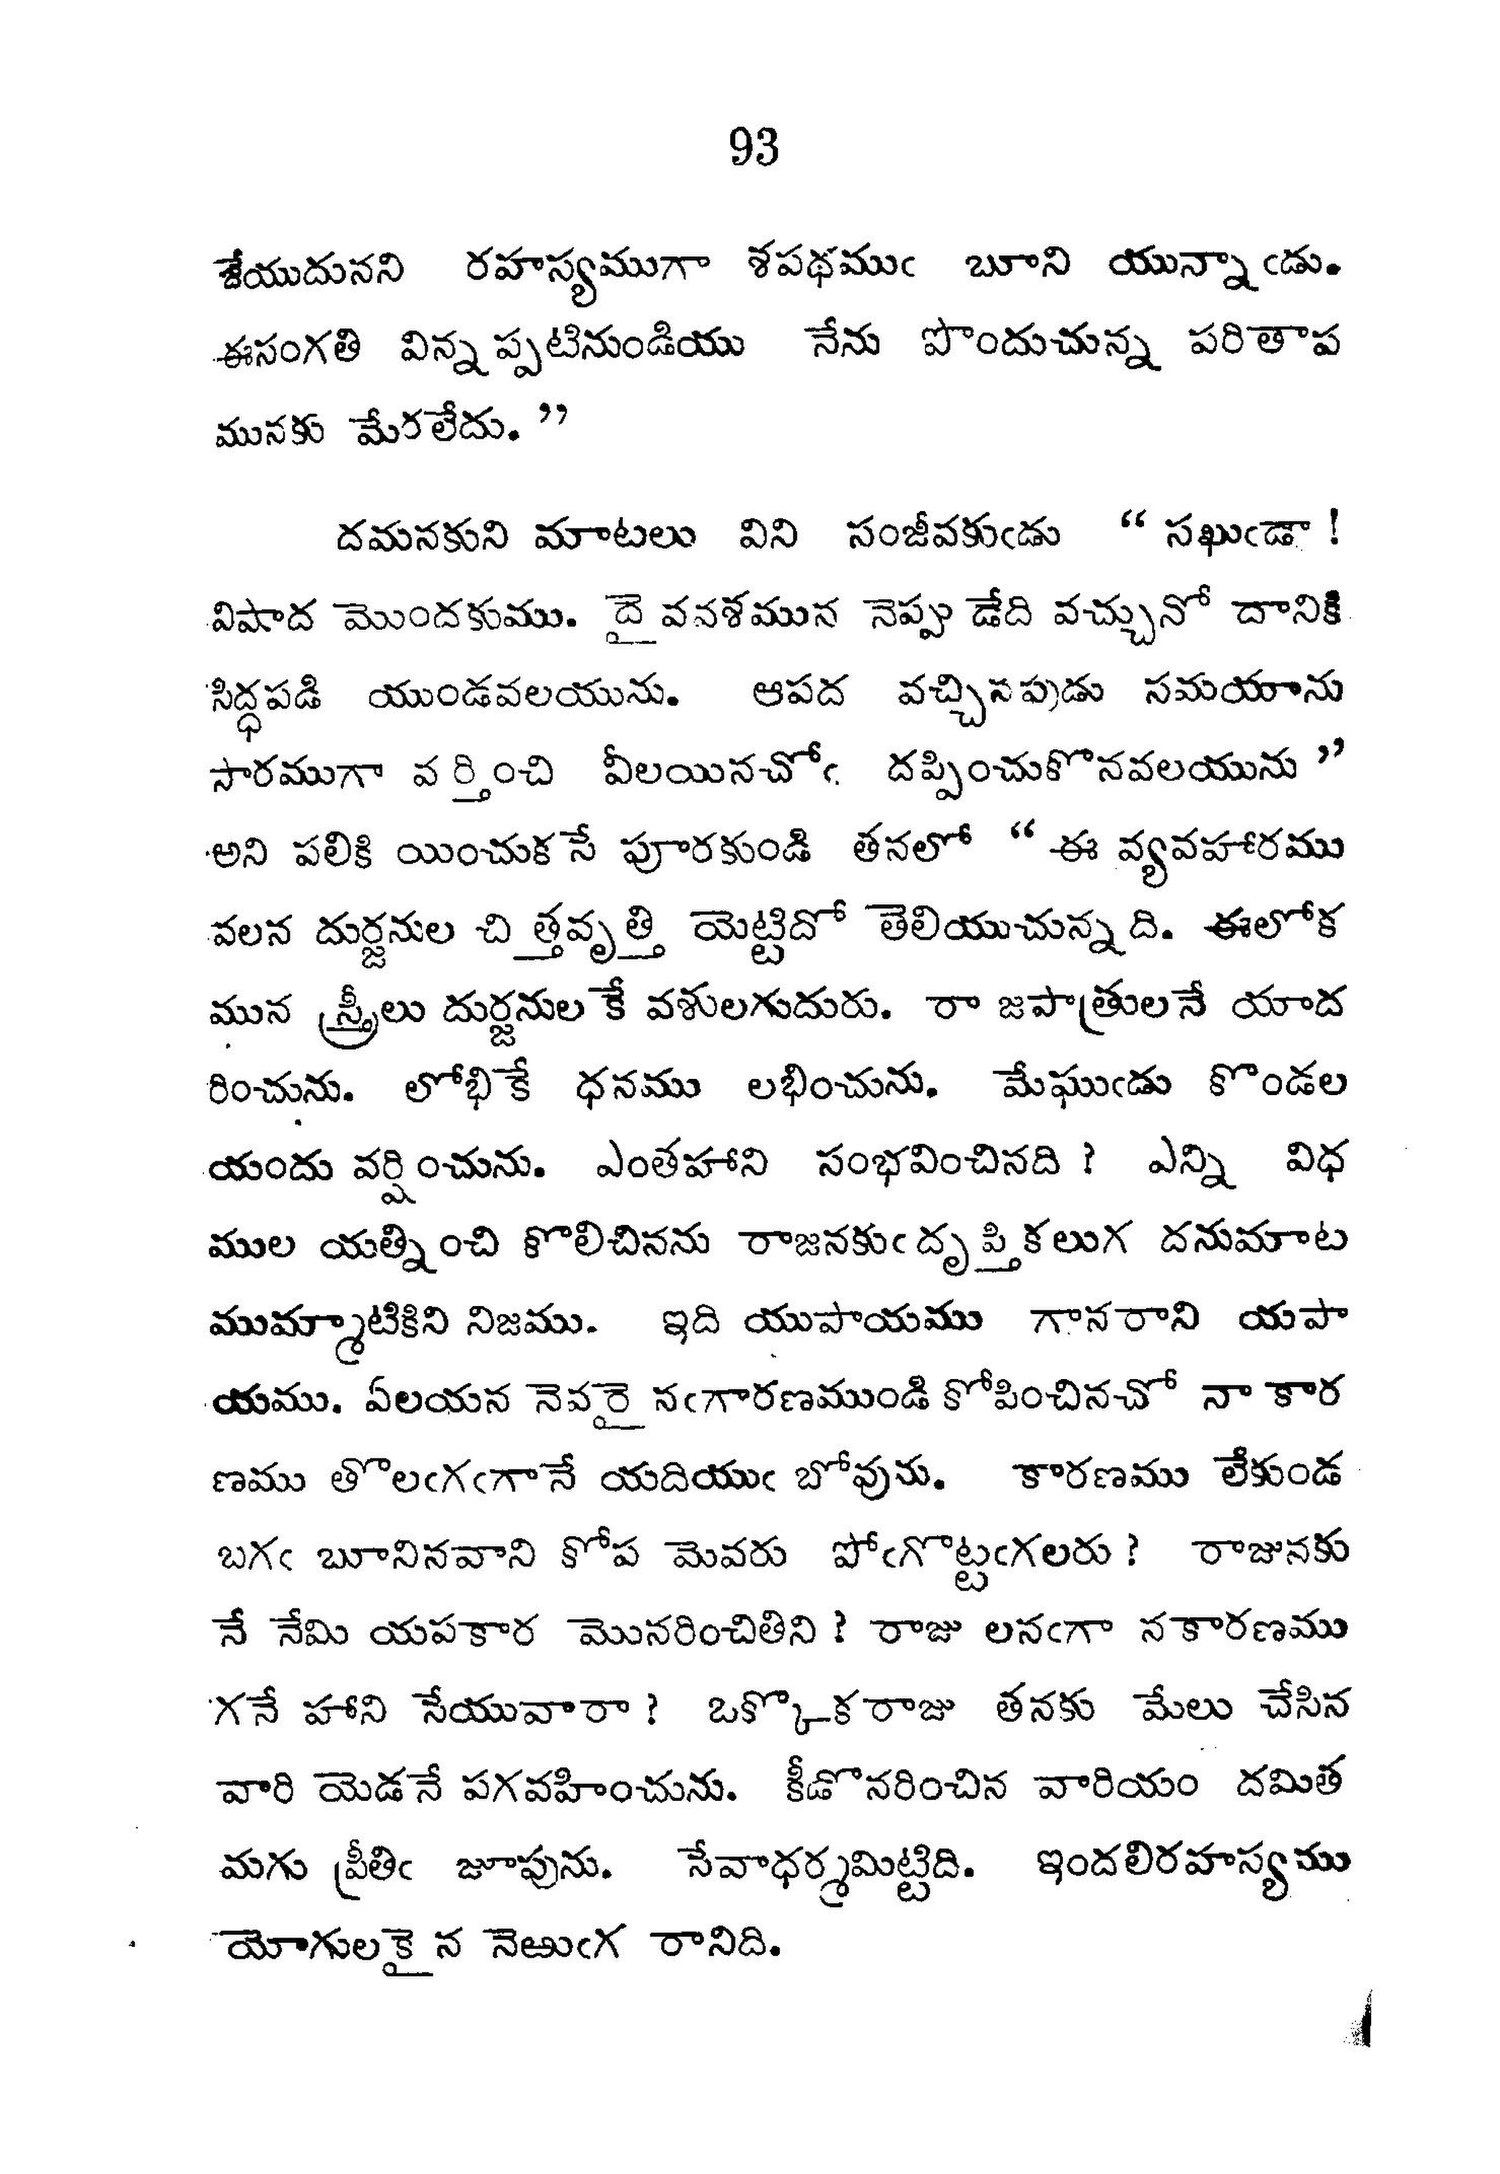జేయుదునని రహస్యముగా శపథము బూని యున్నాడు. ఈసంగతి విన్నప్పటినుండియు నేను పొందుచున్న పరితాపమునకు మేరలేదు."

దమనకుని మాటలు విని సంజీవకుడు "సఖుడా! విషాద మొందకుము. దైవవశమున నెప్పు డేది వచ్చునో దానికి సిద్ధపడి యుండవలయును. ఆపద వచ్చినపుడు సమయానుసారముగా వర్తించి వీలయినచో దప్పించుకొనవలయును" అని పలికి యించుకనే పూరకుండి తనలో " ఈ వ్యవహారము వలన దుర్జనుల చిత్తవృత్తి యెట్టిదో తెలియుచున్నది. ఈలోకమున స్త్రీలు దుర్జనులకే వశులగుదురు. రా జపాత్రులనే యాదరించును. లోభికే ధనము లభించును. మేఘుడు కొండల యందు వర్షించును. ఎంతహాని సంభవించినది? ఎన్ని విధముల యత్నించి కొలిచినను రాజనకు దృప్తికలుగ దనుమాట ముమ్మాటికిని నిజము. ఇది యుపాయము గానరాని యపాయము. ఏలయన నెవరైన గారణముండి కోపించినచో నా కారణము తొలగగానే యదియుబోవును. కారణము లేకుండ బగ బూనినవాని కోప మెవరు పోగొట్టగలరు? రాజునకు నే నేమి యపకార మొనరించితిని? రాజు లనగా నకారణము గనే హాని సేయువారా? ఒక్కొక్కరాజు తనకు మేలు చేసిన వారి యెడనే పగవహించును. కీడొనరించిన వారియం దమితమగు ప్రీతి జూపును. సేవాధర్మమిట్టిది. ఇందలిరహస్యము యోగులకైన నెఱుగ రానిది.